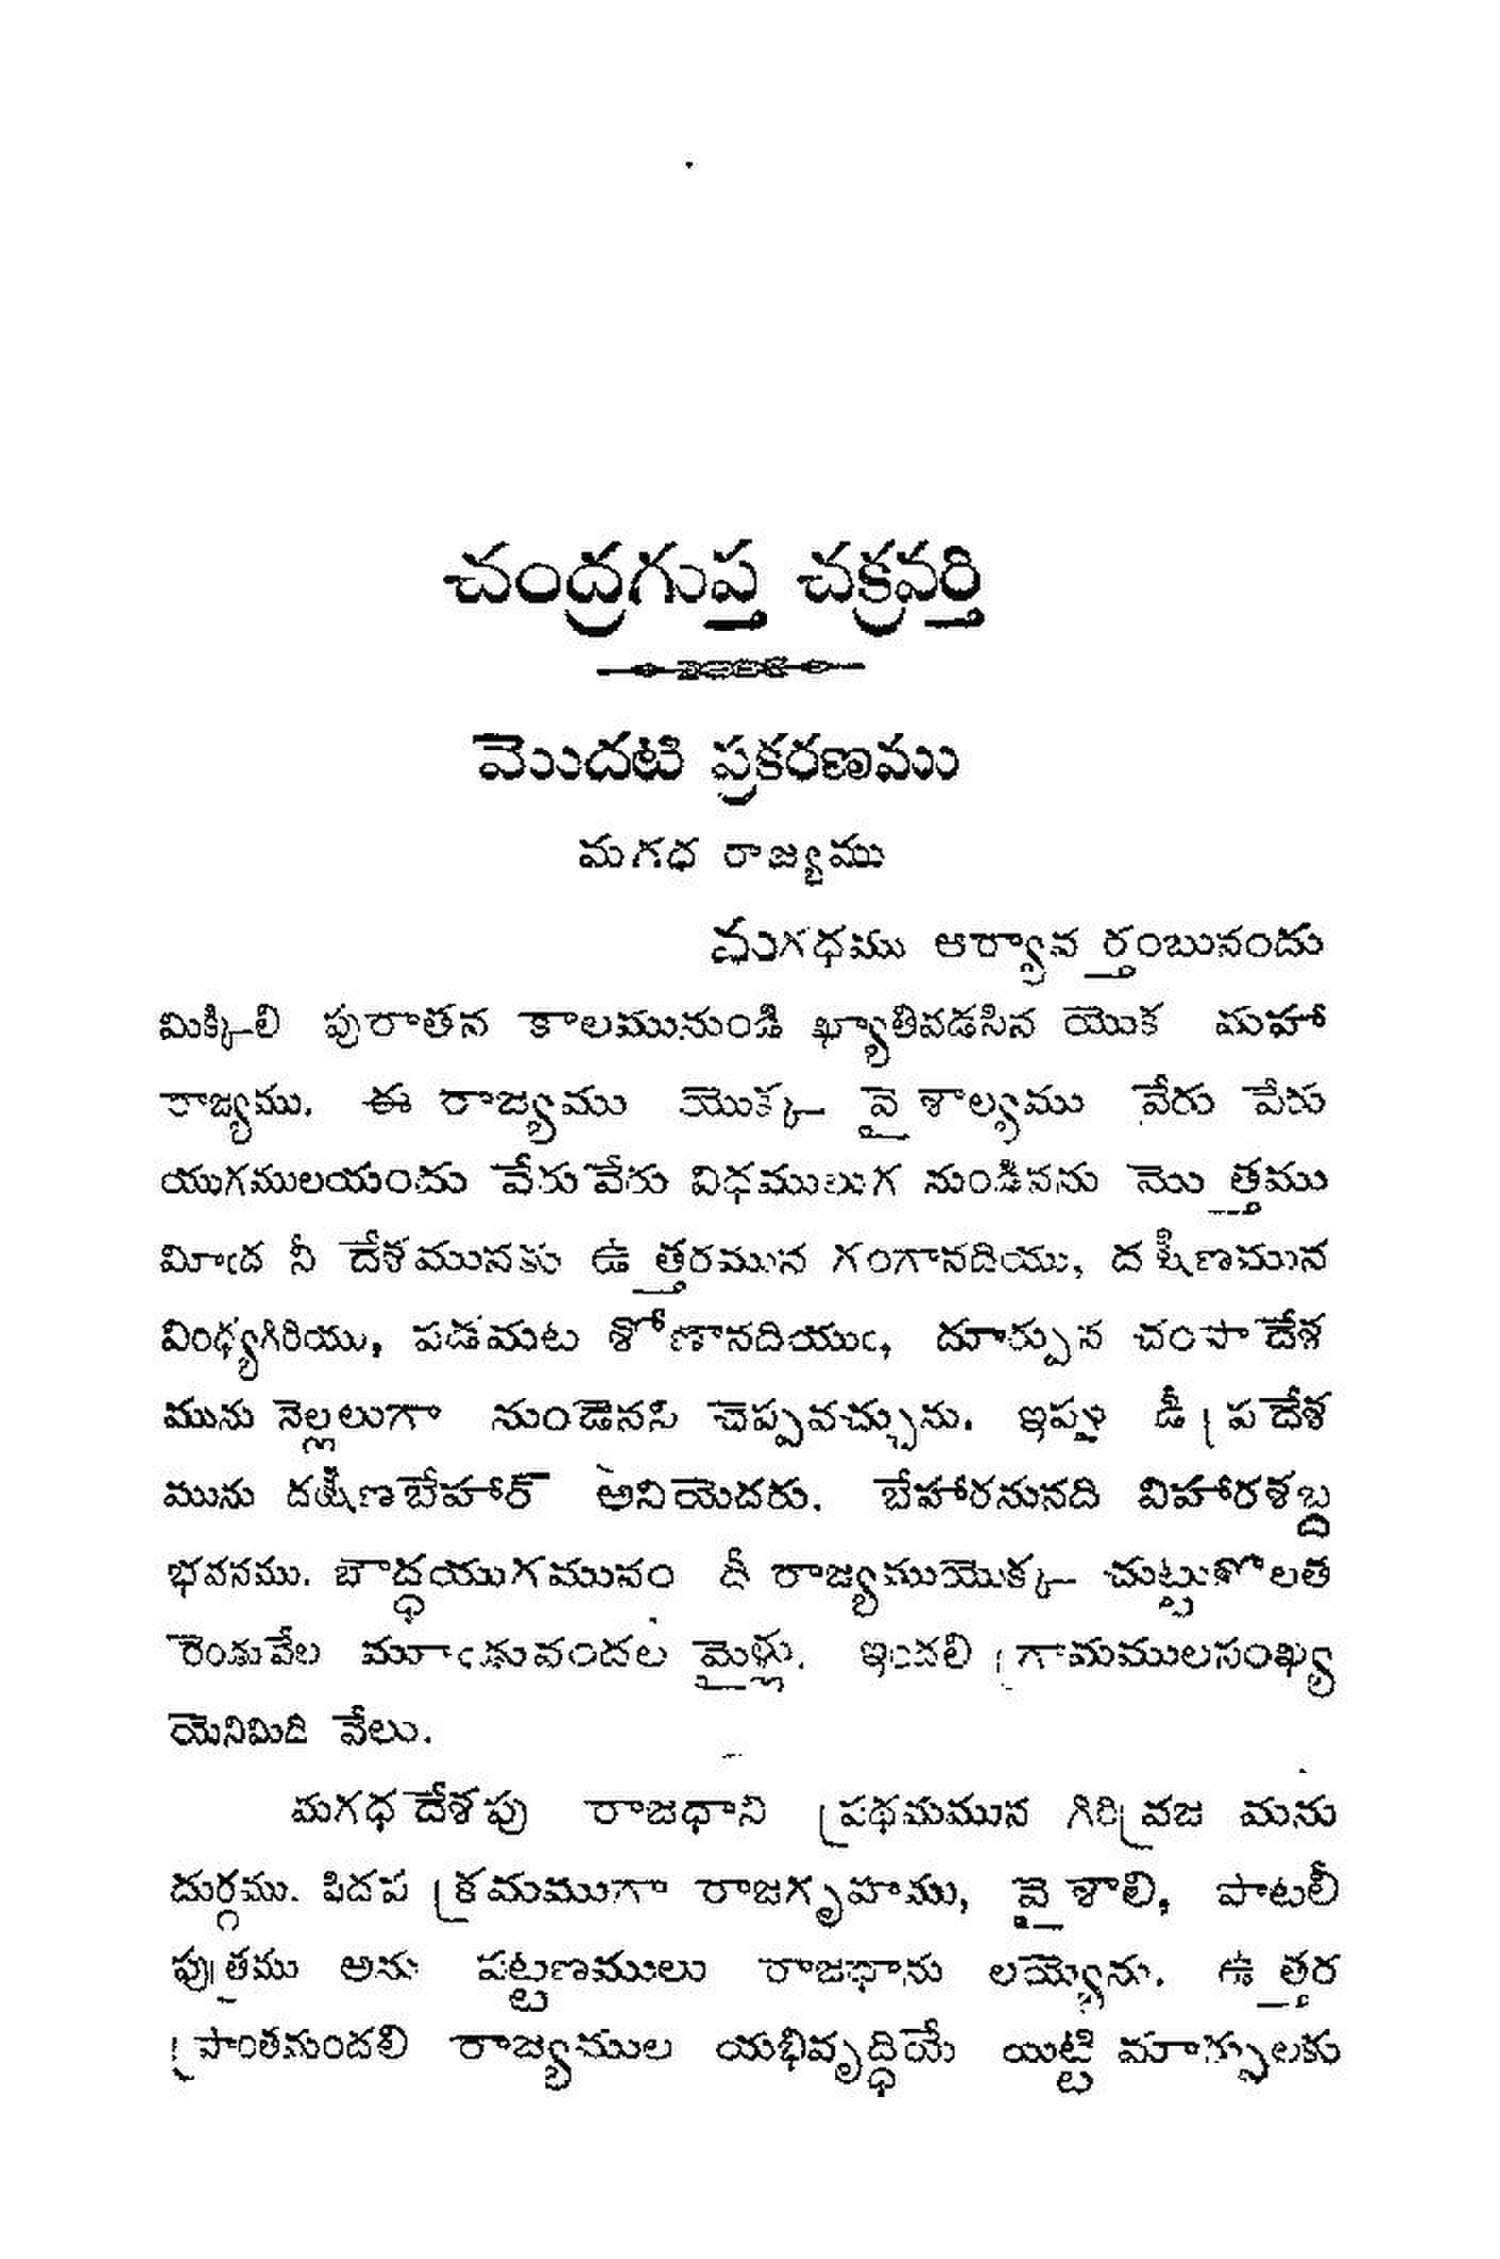చంద్రగుప్త చక్రవర్తి

మొదటి ప్రకరణము

మగధ రాజ్యము

మగధము ఆర్యావర్తంబునందు మిక్కిలి పురాతన కాలమునుండి ఖ్యాతివడసిన యొక మహారాజ్యము. ఈ రాజ్యము యొక్క వైశాల్యము వేరు వేరు యుగములయందు వేరు వేరు విధములుగ నుండినను మొత్తము మీఁద నీ దేశమునకు ఉత్తరమున గంగానదియు, దక్షిణమున వింధ్యగిరియు, పడమట శోణానదియుఁ, దూర్పున చంపాదేశమును నెల్లలుగా నుండెనని చెప్పవచ్చును. ఇప్పు డీ ప్రదేశమును దక్షిణబేహార్ అనియెదరు. బేహారనునది విహారశబ్ద భవనము. బౌద్ధయుగమునం దీ రాజ్యముయొక్క చుట్టుకొలత రెండువేల మూఁడువందల మైళ్లు. ఇందలి గ్రామములసంఖ్య యెనిమిది వేలు.

మగధదేశపు రాజధాని ప్రథమమున గిరివ్రజ మను దుర్గము. పిదప క్రమముగా రాజగృహము, వైశాలి, పాటలీపుత్రము అను పట్టణములు రాజధాను లయ్యెను. ఉత్తర ప్రాంతమందలి రాజ్యముల యభివృద్ధియే యిట్టి మార్పులకు